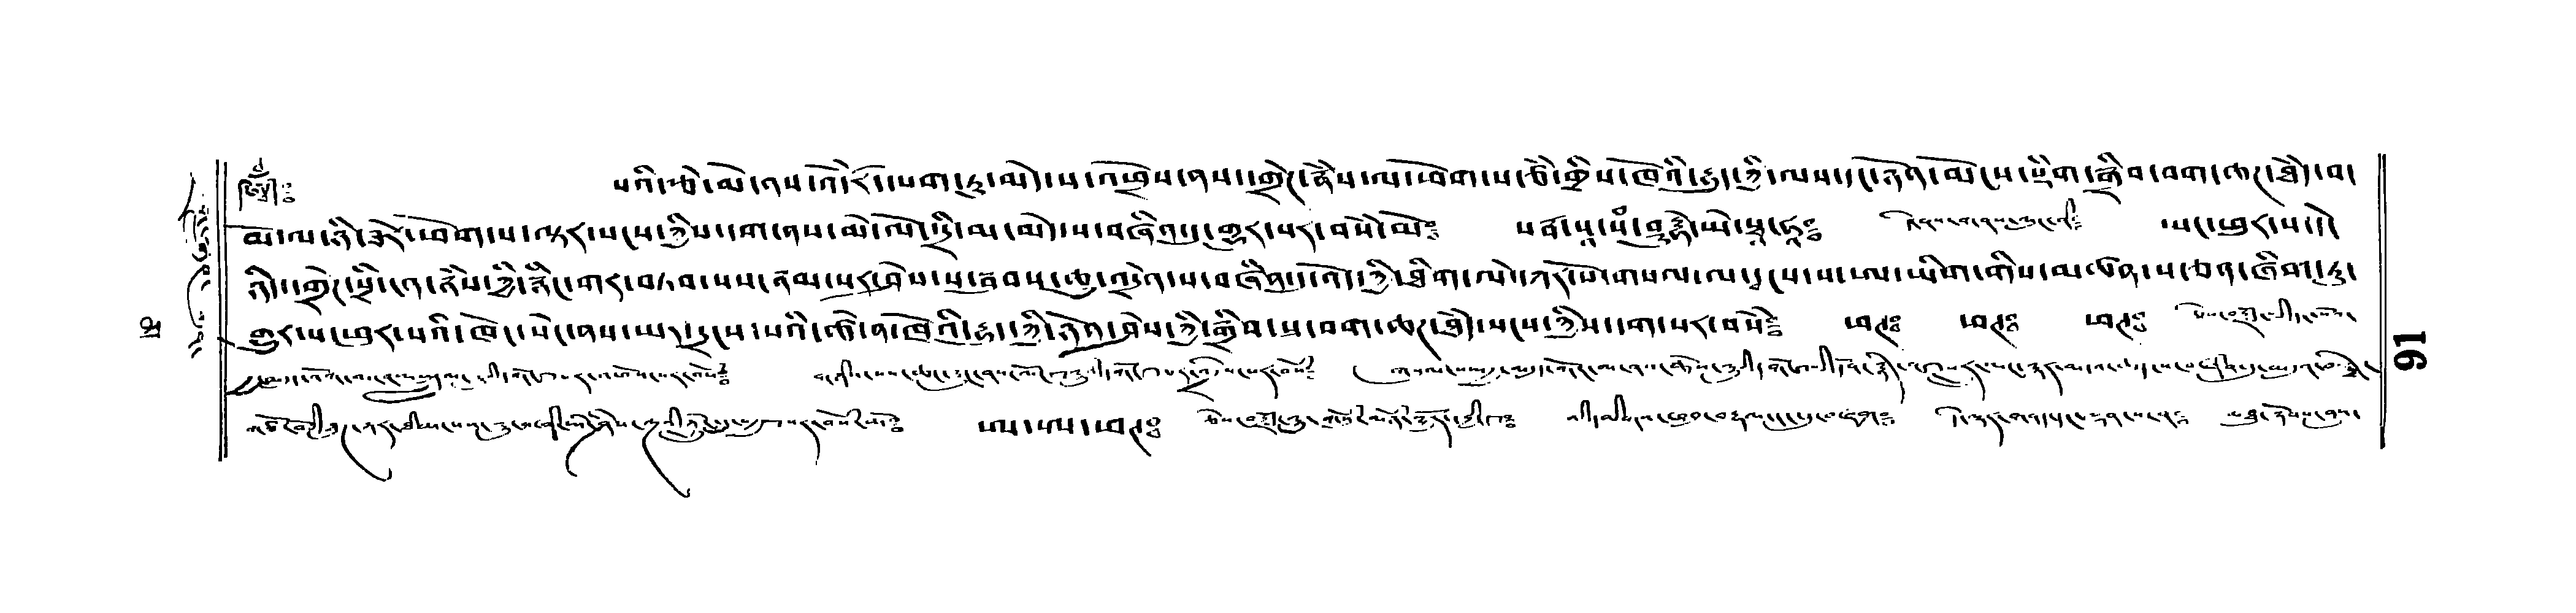པའི་རྩེ་མོ་ནས་འོད་ཟེར་དཔག་ཏུ་མེད་པ་འཕྲོས་ནས་དགྲ་བགེགས་རྣམས་ལ་ཕོག་པ་ཙམ་གྱིས་ཁོའི་རྒྱུད་ཀྱི་ལས་དང་ཉོན་མོངས་སྡིག་སྒྲིབ་བག་ཆགས་ཐམས་ཅད་
བ་མོ་ལ་ཉི་ཟེར་ཕོག་པ་ལྟར་སངས་ཀྱིས་དག་ནས་མེ་ལོང་དྲི་མ་མེད་པ་བཞིན་དུ་གྱུར་པར་བསམ་མོཿསརྦ་པཱ་པཾ་ཤུདྡྷེ་ཡེ་སྭཱ་ཧཱཿ དེ་ནས་གནས་ལུང་ནི༔ ཡང་ཕུར་པ་དེ་
ཉིད་དགྲ་བགེགས་སྲི་ངན་རྣམས་ཀྱི་སྙིང་གར་བཏབ་པས་རྣམ་པར་ཤེས་པ་སྦུབས་ཆུ་འདྲེན་པ་བཞིན་དུ་འོད་ཀྱི་ཐིག་ལེ་དཀར་པོ་གསལ་ལ་དྭངས་པ་ཨ་ཡིག་གིས་མཚན་པ་ཅན་ཞིག་ཏུ་
གྱུར་པ་ཕུར་པའི་ཁོང་སེང་ནས་ཡར་དྲངས་པའི་ཚེ་ན་ཁོའི་རྒྱུད་ཀྱི་ཉོན་ཤེས་ཀྱི་སྒྲིབ་པ་བག་ཆགས་ཐམས་ཅད་སངས་ཀྱིས་དག་པར་བསམ༔ ཕཊཿ ཕཊཿ ཕཊཿ ཅེས་བརྗོད་པའི་དང་པོས་
རྒྱ་མདུད་འོག་མ་ནས་སྤྲུལ་སྐུའི་དགོངས་པར་འཕོས་པར་བསམ༔ གཉིས་པས་ཆང་ཟུང་ནས་ལོངས་སྐུའི་དགོངས་པར་འདྲེས་པར་བསམ༔ གསུམ་པས་རྒྱ་མདུད་གོང་མ་ནས་ཆོས་སྐུའི་དགོངས་པའི་དོན་རྙེད་ནས་སླར་ཡང་སྐར་མདའ་ཆད་པ་བཞིན་དུ་མདུན་བསྐྱེད་
གཙོ་བོའི་ཐུགས་ཀར་ཐིམ་པས་སྐུ་བཞི་ཡེ་ཤེས་ལྔའི་ཀློང་དུ་སངས་རྒྱས་པར་བསམ་མོ༔ ཨཱཿཨཱཿཕཊཿ ཅེས་བརྗོད་སྐུ་གསུམ་མཉམ་སྦྱོར་དབྱིངས༔ མི་དམིགས་ཁྱབ་བརྡལ་ངང་དུ་བཞག༔ དེ་ལྟར་གནད་དང་ལྡན་པ་ན༔ མཐུ་སྟོབས་ནུས་